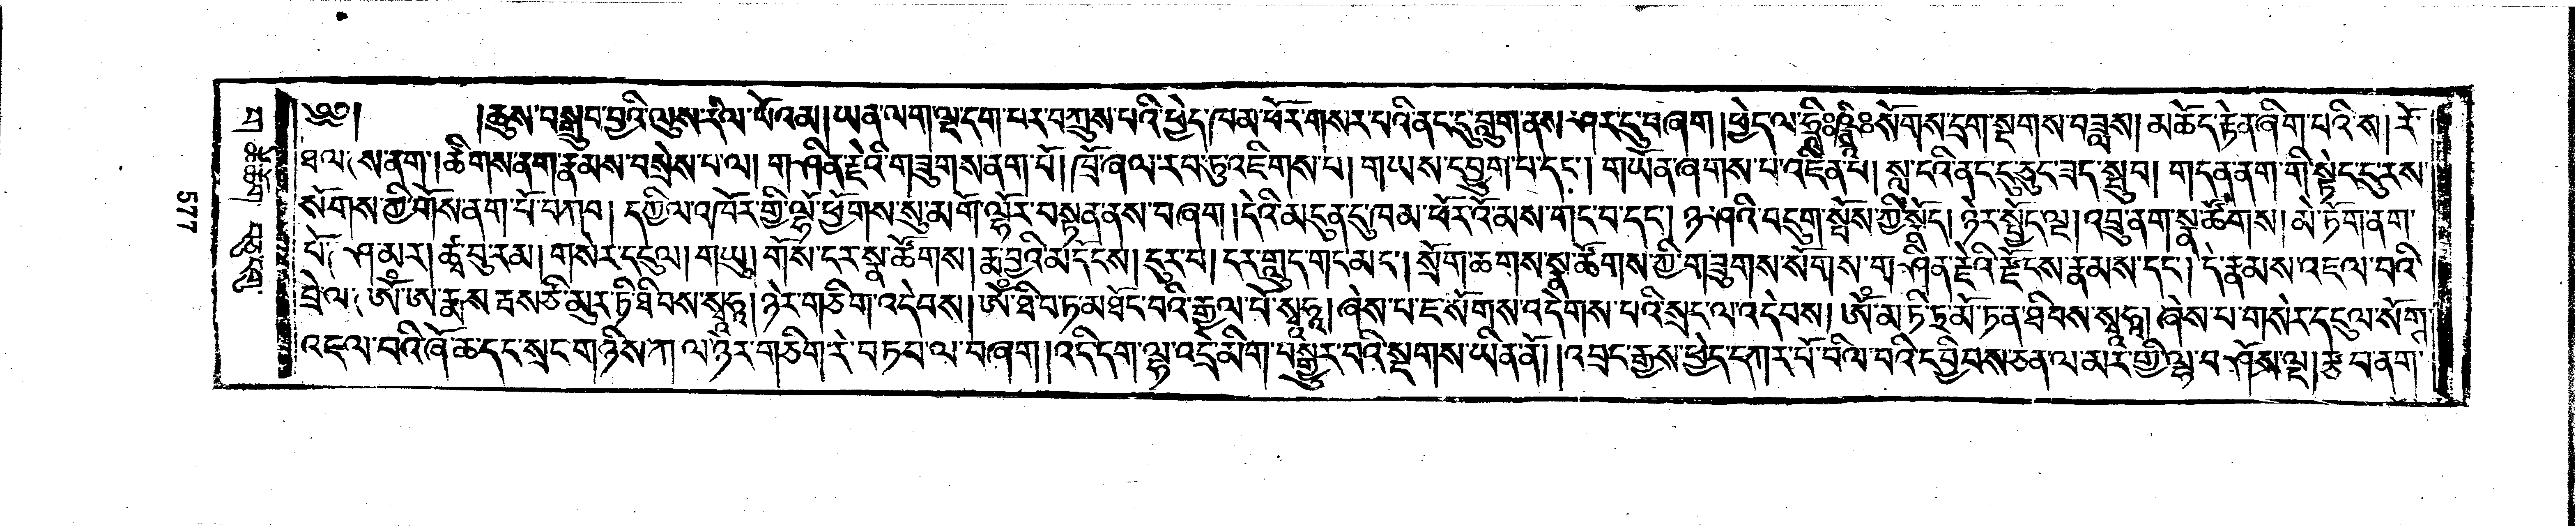༄༅། །ཆུས་བསྒྲུབ་བྱའི་ལུས་རིལ་པོའམ། ཡན་ལག་ལྔ་དག་པར་བཀྲུས་པའི་ཕྱེད་ཁམ་ཕོར་གསར་པའི་ནང་དུ་བླུག་ནས་ཤར་དུ་བཞག །ཕྱེད་ལ་ཧྲཱིཿ ཥྚཱིཿ སོགས་དྲག་སྔགས་བཟླས། མཆོད་རྟེན་ཞིག་པའི་ས། རོ་
ཐལ། ས་ནག །ཚིགས་ནག་རྣམས་བསྲེས་པ་ལ། གཤིན་རྗེའི་གཟུགས་ནག་པོ། ཁྲོ་ཞལ་རབ་ཏུ་འཇིགས་པ། གཡས་དབྱུག་པ་དང་། གཡོན་ཞགས་པ་འཛིན་པ། སླ་ངའི་ནང་དུ་ཅུང་ཟད་སྤུབ། གདན་ནག་གི་སྟེང་དུ་རས་
སོགས་ཀྱི་གོས་ནག་པོ་བཀའ། དཀྱིལ་འཁོར་གྱི་ལྷོ་ཕྱོགས་སུ་མགོ་ལྷོར་བསྟན་ནས་བཞག །དེའི་མདུན་དུ་ཁམ་ཕོར་འོ་མས་གང་བ་དང་། ཉ་ཤའི་བདུག་སྤོས་ཀྱི་སྣོད། ཉེར་སྤྱོད་ལྔ། འབྲུ་ནག་སྣ་ཚོགས། མེ་ཏོག་ནག་
པོ༑ ཤ་མར། ཚྭ་བུ་རམ། གསེར་དངུལ། གཡུ། གོས་དར་སྣ་ཚོགས། རྨ་བྱའི་མདོངས། དུར་བ། ངར་གླུད་གང་མང་། སྲོག་ཆགས་སྣ་ཚོགས་ཀྱི་གཟུགས་སོགས་གཤིན་རྗེའི་རྫོངས་རྣམས་དང་། དེ་རྣམས་འཇལ་བའི་
བྲེལ༑ ཨོཾ་ཨ་རྨས་རྦས་ཙི་མུར་ཏི་ཐིབས་སྭཱཧཱ། ཉེར་གཅིག་འདེབས། ཨོཾ་ཐི་བ་ཏ་མཐོང་བའི་རྒྱལ་པོ་སྭཱཧཱ། ཞེས་པ་ཇ་སོགས་འདེགས་པའི་སྲང་ལ་འདེབས། ཨོཾ་མ་ཏི་ཏྲ་མོ་ཏ་ན་ཐིབས་སྭཱཧཱ། ཞེས་པ་གསེར་དངུལ་སོགས་
འཇལ་བའི་ཞོ་ཆ་དང་སྲང་གཉིས་ཀ་ལ་ཉེར་གཅིག་རེ་བཏབ་ལ་བཞག །འདི་དག་ལྷ་འདྲེ་མིག་བསྒྱུར་བའི་སྔགས་ཡིན་ནོ། །འབྲང་རྒྱས་ཕྱེད་དཀར་པོ་བིལ་བའི་དབྱིབས་ཅན་ལ་མར་གྱི་ལྷ་བཤོས་ལྔ། རྩ་བ་ནག་